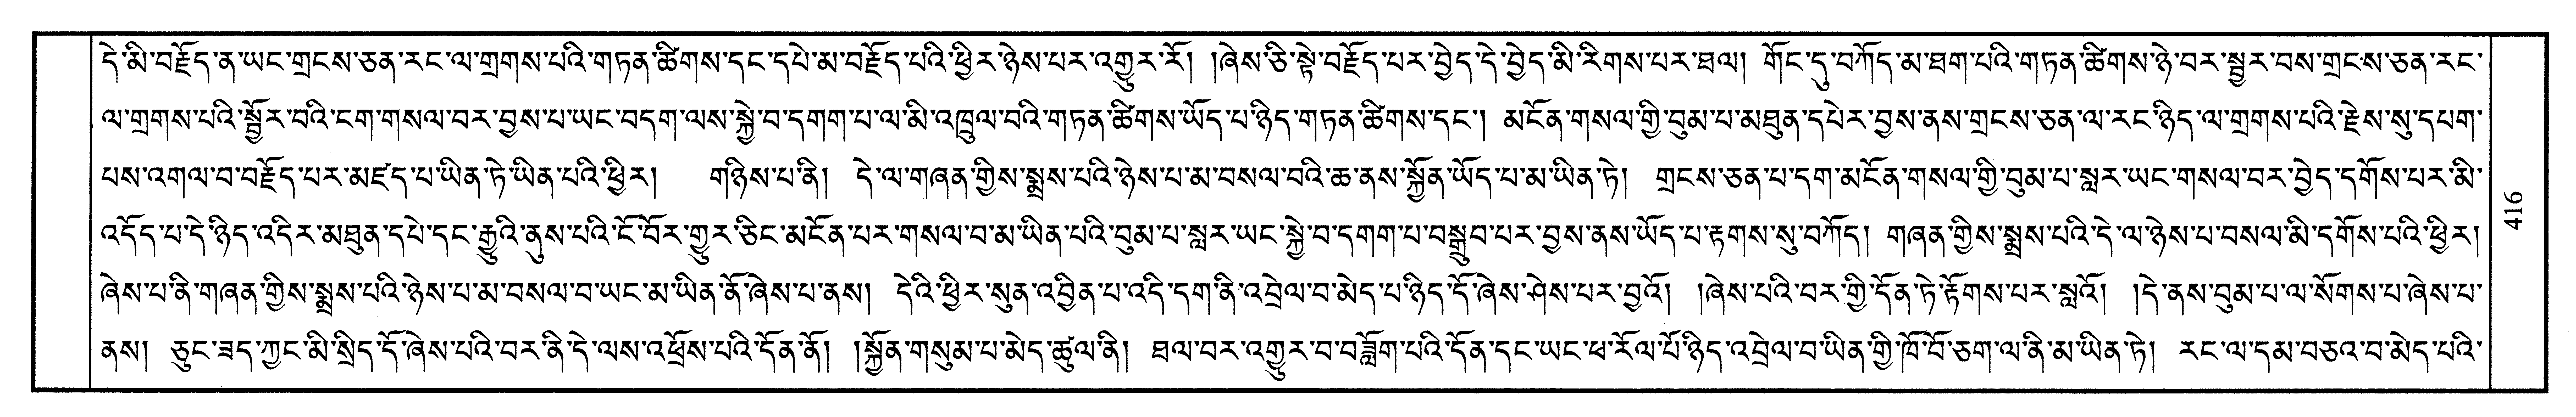དེ་མི་བརྗོད་ན་ཡང་གྲངས་ཅན་རང་ལ་གྲགས་པའི་གཏན་ཚིགས་དང་དཔེ་མ་བརྗོད་པའི་ཕྱིར་ཉེས་པར་འགྱུར་རོ། །ཞེས་ཅི་སྟེ་བརྗོད་པར་བྱེད་དེ་བྱེད་མི་རིགས་པར་ཐལ། གོང་དུ་བཀོད་མ་ཐག་པའི་གཏན་ཚིགས་ཉེ་བར་སྦྱར་བས་གྲངས་ཅན་རང་
ལ་གྲགས་པའི་སྦྱོར་བའི་ངག་གསལ་བར་བྱས་པ་ཡང་དག་ལས་སྐྱེ་བ་དགག་པ་ལ་མི་འཁྲུལ་བའི་གཏན་ཚིགས་ཡོད་པ་ཉིད་གཏན་ཚིགས་དང་། མངོན་གསལ་གྱི་བུམ་པ་མཐུན་དཔེར་བྱས་ནས་གྲངས་ཅན་ལ་རང་ཉིད་ལ་གྲགས་པའི་རྗེས་སུ་དཔག་
པས་འགལ་བ་བརྗོད་པར་མཛད་པ་ཡིན་ཏེ་ཡིན་པའི་ཕྱིར། གཉིས་པ་ནི། དེ་ལ་གཞན་གྱིས་སྨྲས་པའི་ཉེས་པ་མ་བསལ་བའི་ཆ་ནས་སྐྱོན་ཡོད་པ་མ་ཡིན་ཏེ། གྲངས་ཅན་པ་དག་མངོན་གསལ་གྱི་བུམ་པ་སླར་ཡང་གསལ་བར་བྱེད་དགོས་པར་མི་
འདོད་པ་དེ་ཉིད་འདིར་མཐུན་དཔེ་དང་རྒྱུའི་ནུས་པའི་ངོ་བོར་གྱུར་ཅིང་མངོན་པར་གསལ་བ་མ་ཡིན་པའི་བུམ་པ་སླར་ཡང་སྐྱེ་བ་དགག་པ་བསྒྲུབ་པར་བྱས་ནས་ཡོད་པ་རྟགས་སུ་བཀོད། གཞན་གྱིས་སྨྲས་པའི་དེ་ལ་ཉེས་པ་བསལ་མི་དགོས་པའི་ཕྱིར།
ཞེས་པ་ནི་གཞན་གྱིས་སྨྲས་པའི་ཉེས་པ་མ་བསལ་བ་ཡང་མ་ཡིན་ནོ་ཞེས་པ་ནས། དེའི་ཕྱིར་སུན་འབྱིན་པ་འདི་དག་ནི་འབྲེལ་བ་མེད་པ་ཉིད་དོ་ཞེས་ཤེས་པར་བྱའོ། །ཞེས་པའི་བར་གྱི་དོན་དེ་རྟོགས་པར་སླའོ། །དེ་ནས་བུམ་པ་ལ་སོགས་པ་ཞེས་པ་
ནས། ཅུང་ཟད་ཀྱང་མི་སྲིད་དོ་ཞེས་པའི་བར་ནི་དེ་ལས་འཕྲོས་པའི་དོན་ནོ། །སྐྱོན་གསུམ་པ་མེད་ཚུལ་ནི། །ཐལ་བར་འགྱུར་བ་བཟློག་པའི་དོན་དང་ཡང་ཕ་རོལ་པོ་ཉིད་འབྲེལ་བ་ཡིན་གྱི་ཁོ་བོ་ཅག་ལ་ནི་མ་ཡིན་ཏེ། རང་ལ་དམ་བཅའ་བ་མེད་པའི་